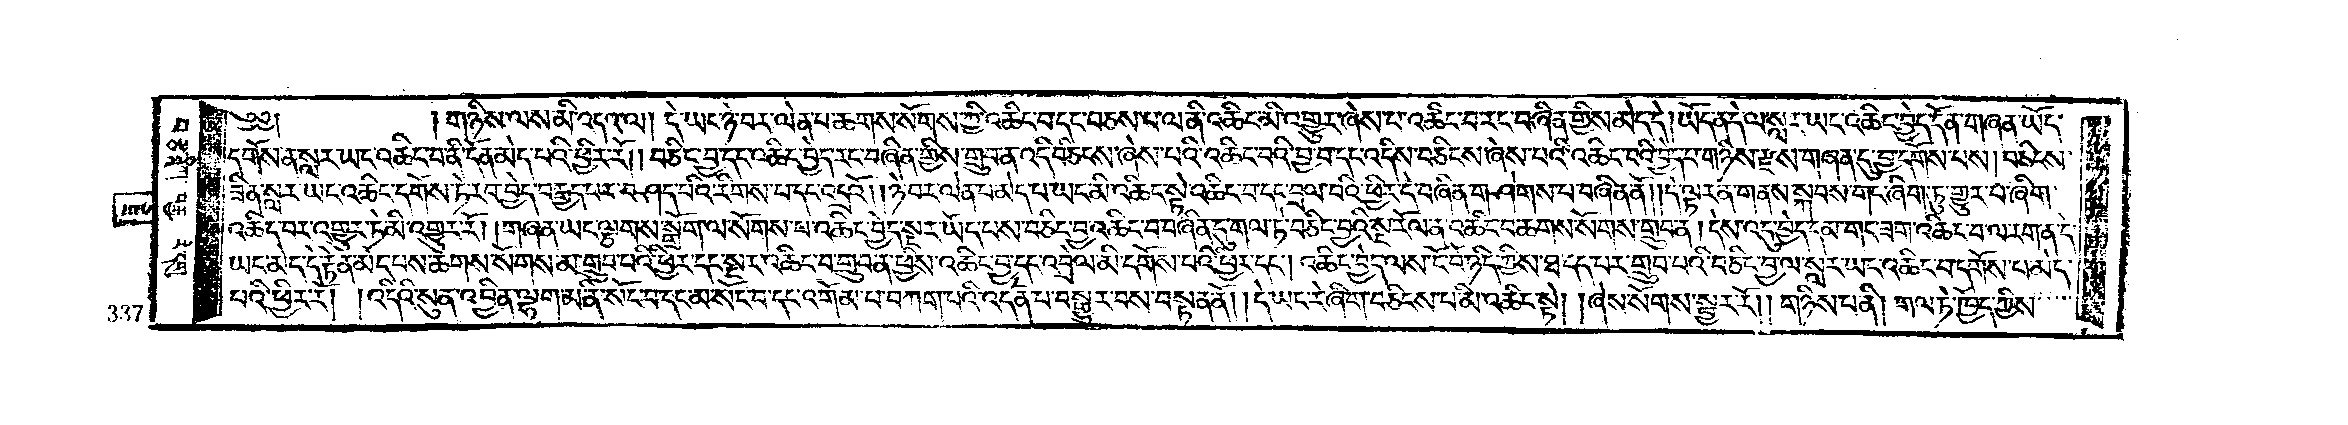༄༅། །གཉིས་ལས་མི་འདའ་ལ། དེ་ཡང་ཉེ་བར་ལེན་པ་ཆགས་སོགས་ཀྱི་འཆིང་བ་དང་བཅས་པ་ལ་ནི་འཆིང་མི་འགྱུར་ཞེས་པ་འཆིང་བ་རང་བཞིན་གྱིས་མེད་དེ། ཡོད་ན་དེ་ལ་སླར་ཡང་འཆིང་བྱེད་དོན་གཞན་ཡོད་
དགོས་ན་སླར་ཡང་འཆིང་བ་ནི་དོན་མེད་པའི་ཕྱིར་རོ། །བཅིང་བྱ་དང་འཆིང་བྱེད་རང་བཞིན་གྱིས་གྲུབ་ན་འདི་བཅིངས་ཞེས་པའི་འཆིང་བའི་བྱ་བ་དང་འདིས་བཅིངས་ཞེས་པའི་འཆིང་བའི་བྱེད་པ་གཉིས་རྫས་གཞན་དུ་བྱ་དགོས་ཕས། བཅིངས་
ཟིན་སླར་ཡང་འཆིང་དགོས་ཏེ་རབ་བྱེད་བརྒྱད་པར་བཤད་པའི་རིགས་པ་དང་འདྲའོ། །ཉེ་བར་ལེན་པ་མེད་པ་ཡང་མི་འཆིང་སྟེ་འཆིང་པ་དང་བྲལ་བའི་ཕྱིར་དེ་བཞིན་གཤེགས་པ་བཞིན་ནོ། །དེ་ལྟར་ན་གནས་སྐབས་གང་ཞིག་ཏུ་གྱུར་པ་ཞིག་
འཆིད་པར་འགྱུར་ཏེ་མི་འགྱུར་རོ། །གཞན་ཡང་ལྕགས་སྒྲོག་ལ་སོགས་པ་འཆིང་བྱེད་སྔར་ཡོད་པས་བཅིང་བྱ་འཆིང་བ་བཞིན་དུ་གལ་ཏེ་བཅིང་བྱའི་སྔ་རོལ་ན་འཆིང་བ་ཆགས་སོགས་གྲུབ་ན། དེས་འདུ་བྱེད་དམ་གང་ཟག་འཆིང་བ་ལ་རག་ན་ད་
ཡང་མེད་དེ་རྟེན་མེད་པས་ཆགས་སོགས་མ་གྲུབ་པའི་ཕྱིར་དང་སྔར་འཆིང་བ་གྲུབ་ན་ཕྱིས་འཆིང་བྱ་དང་འབྲེལ་མི་དགོས་པའི་ཕྱིར་དང་། འཆིང་བྱེད་ལས་ངོ་བོ་ཉིད་ཀྱིས་ཐ་དད་པར་གྲུབ་པའི་བཅིང་བྱ་ལ་སླར་ཡང་འཆིང་བ་དགོས་པ་མེད་
པའི་ཕྱིར་རོ། །འདིའི་སུན་འབྱིན་ལྷག་མ་ནི་སོང་བ་དང་མ་སོང་བ་དང་འགོམ་པ་བཀག་པའི་འདོན་པ་བསྒྱུར་པས་བསྟན་ནོ། །དེ་ཡང་རེ་ཞིག་བཅིངས་པ་མི་འཆིང་སྟེ། །ཞེས་སོགས་སྦྱར་རོ། །གཉིས་པ་ནི། གལ་ཏེ་ཁྱོད་ཀྱིས་